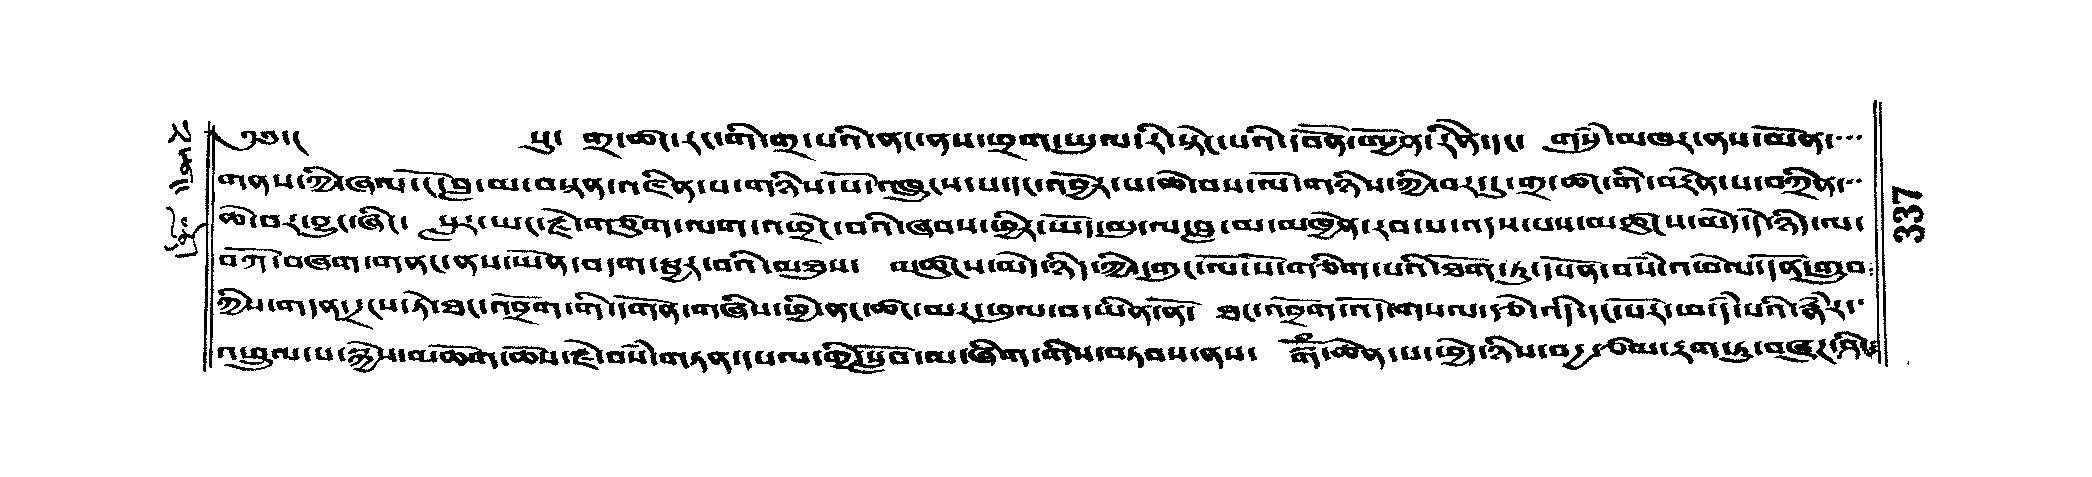སུ། གྲྭ་ཚང་རང་གི་གྲྭ་པའི་ནང་ནས་ཕྲག་ཡུལ་རི་སྟེང་པའི་དབོན་པོ་ཨོ་རྒྱན་རིན་ཆེན་དང་། གསུམ་མཁར་ནས་མོན་
གནས་ཀྱི་ཞལ་ངོ་བླ་མ་བསྟན་འཛིན་པ་གཉིས་པོ་འཁྲུངས་ས་དང་འབྱོར་པ་ཆེ་བས་ལོ་གཉིས་ཀྱི་བར་དུ་གྲྭ་ཚང་གི་བསྟན་པ་བཀའ་དྲིན་
ཆེ་བར་བྱུང་ཞིང་། སླར་ཡང་རྗེ་གཙུག་ལག་འཕྲེང་བའི་ཞབས་ཕྱིར་ཡོད་མུས་ལ་བླ་མ་མཁྱེན་རབ་པ་འདས་པས་མཚུངས་མེད་དེ་ཉིད་ལ་
བསྐོ་བཞག་གནང་ནས་ཡོན་བདག་སྦྱར་བའི་མཐུས། མཚུངས་མེད་ཉིད་ཀྱི་དགུང་ལོ་སོ་གཅིག་པའི་ཐོག་ཏུ་དཔོན་བསམ་འཕེལ་དོན་གྲུབ་
ཀྱིས་གདན་དྲངས་ཏེ་ཐང་འབྲོག་གི་དགོན་གཞིས་ཕྱི་ནང་ཚང་མར་ཕུལ་བ་ཡིན་ནོ། ཐང་འབྲོག་འོད་གསལ་རྩེ་འདི་དང་པོར་ཕ་དམ་པའི་རྣམ་པར་
འཕྲུལ་པ་སྐྱེས་མཆོག་ཆོས་རྗེ་བསམ་གཏན་དཔལ་གྱི་སློབ་མ་ཞིག་གིས་བཏབས་ནས། སྒོམ་ཆེན་པ་ཕྱེད་ཉིས་བརྒྱ་ཙམ་རྟག་ཏུ་བཞུགས་ཤིང་